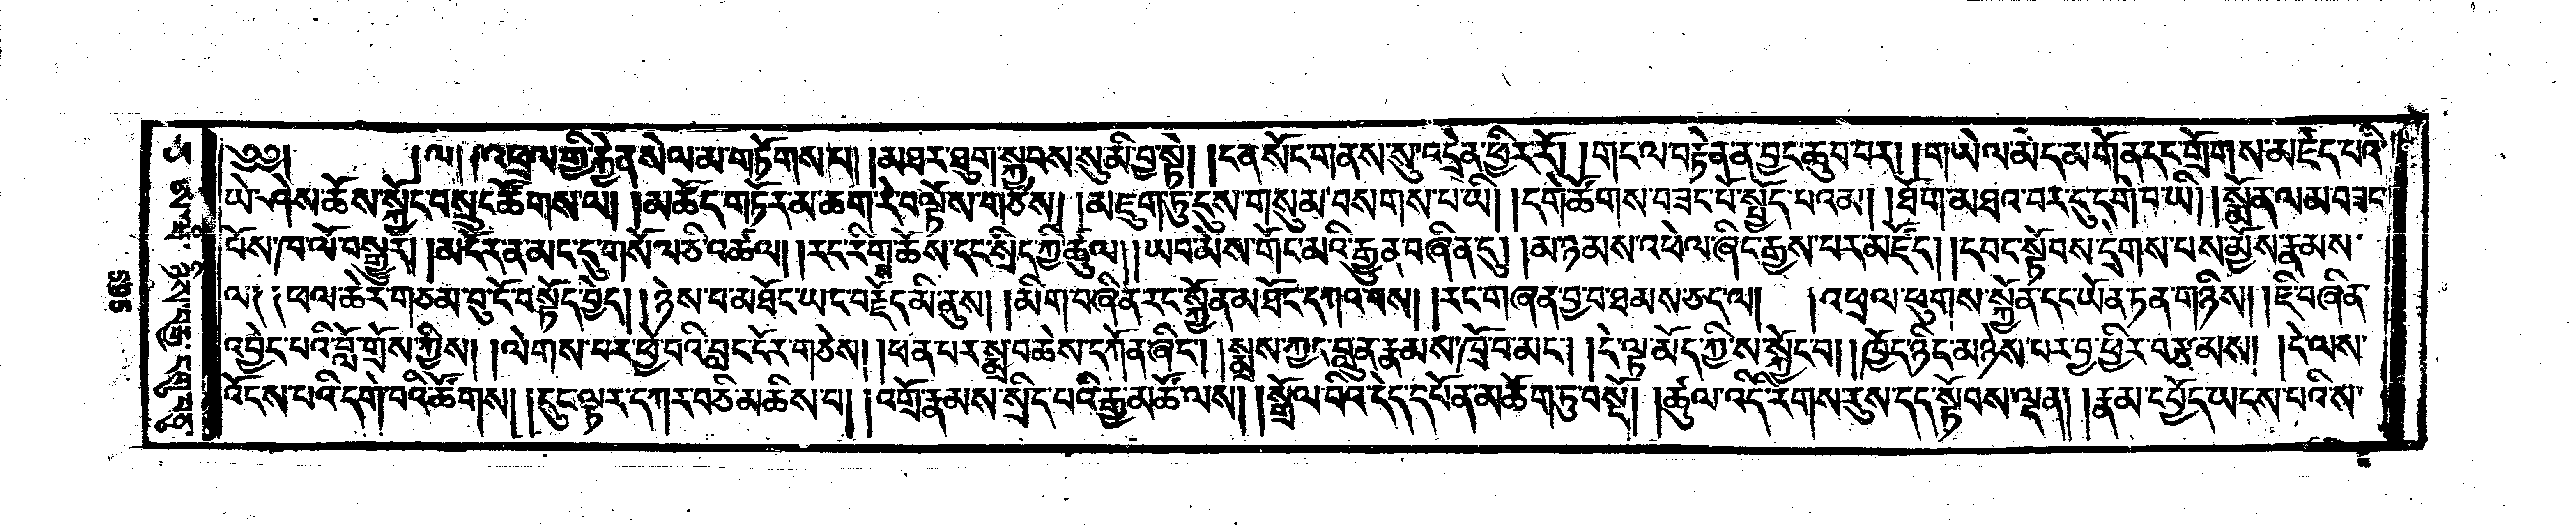༄༅། །ལ༑ ༑འཕྲལ་གྱི་རྐྱེན་སེལ་མ་གཏོགས་པ། །མཐར་ཐུག་སྐྱབས་སུ་མི་བྱ་སྟེ། །ངན་སོང་གནས་སུ་འདྲེན་ཕྱིར་རོ། །གང་ལ་བརྟེན་ན་བྱང་ཆུབ་བར། །གཡེལ་མེད་མགོན་དང་གྲོགས་མཛད་པའི།།
ཡེ་ཤེས་ཆོས་སྐྱོང་བསྲུང་ཚོགས་ལ། །མཆོད་གཏོར་མ་ཆག་རེ་བལྟོས་གཅེས། །མཇུག་ཏུ་དུས་གསུམ་བསགས་པ་ཡི། །དགེ་ཚོགས་བཟང་པོ་སྤྱོད་པའམ། །ཐོག་མཐའ་བར་དུ་དགེ་བ་ཡི། །སྨོན་ལམ་བཟང་
པོས་ཁ་ལོ་བསྒྱུར། །མདོར་ན་མང་དུ་གསོལ་ཅི་འཚལ། །རང་རིགས་ཆོས་དང་སྲིད་ཀྱི་ཚུལ། །ཡབ་མེས་གོང་མའི་རྒྱུན་བཞིན་དུ། །མ་ཉམས་འཕེལ་ཞིང་རྒྱས་པར་མཛོད། །དབང་སྟོབས་དྲེགས་པས་མྱོས་རྣམས་
ལ༑ ༑ཕལ་ཆེར་གཅམ་བུ་ངོ་བསྟོད་བྱེད། །ཉེས་པ་མཐོང་ཡང་བརྗོད་མི་ནུས། །མིག་བཞིན་རང་སྐྱོན་མཐོང་དཀའ་བས། །རང་གཞན་བྱ་བ་ཐམས་ཅད་ལ། །འཕྲལ་ཕུགས་སྐྱོན་དང་ཡོན་ཏན་གཉིས། །ཇི་བཞིན་
འབྱེད་པའི་བློ་གྲོས་ཀྱིས། །ལེགས་པར་ཕྱེ་བའི་བླང་དོར་གཅེས། །ཕན་པར་སྨྲ་བ་ཆེས་དཀོན་ཞིང་། །སྨྲས་ཀྱང་བླུན་རྣམས་ཁྲོ་བ་མང་། །དེ་ལྟ་མོད་ཀྱི་ས་སྐྱོང་བ། །ཁྱོད་ཉིད་མཉེས་པར་བྱ་ཕྱིར་བརྩམས། །དེ་ལས་
འོངས་པའི་དགེ་བའི་ཚོགས། །དུང་ལྟར་དཀར་བ་ཅི་མཆིས་པ། །འགྲོ་རྣམས་སྲིད་པའི་རྒྱ་མཚོ་ལས། །སྒྲོལ་བའི་དེད་དཔོན་མཆོག་ཏུ་བསྔོ། །ཚུལ་འདི་རིགས་རུས་དད་སྟོབས་ལྡན། །རྣམ་དཔྱོད་ཡངས་པའི་ས་